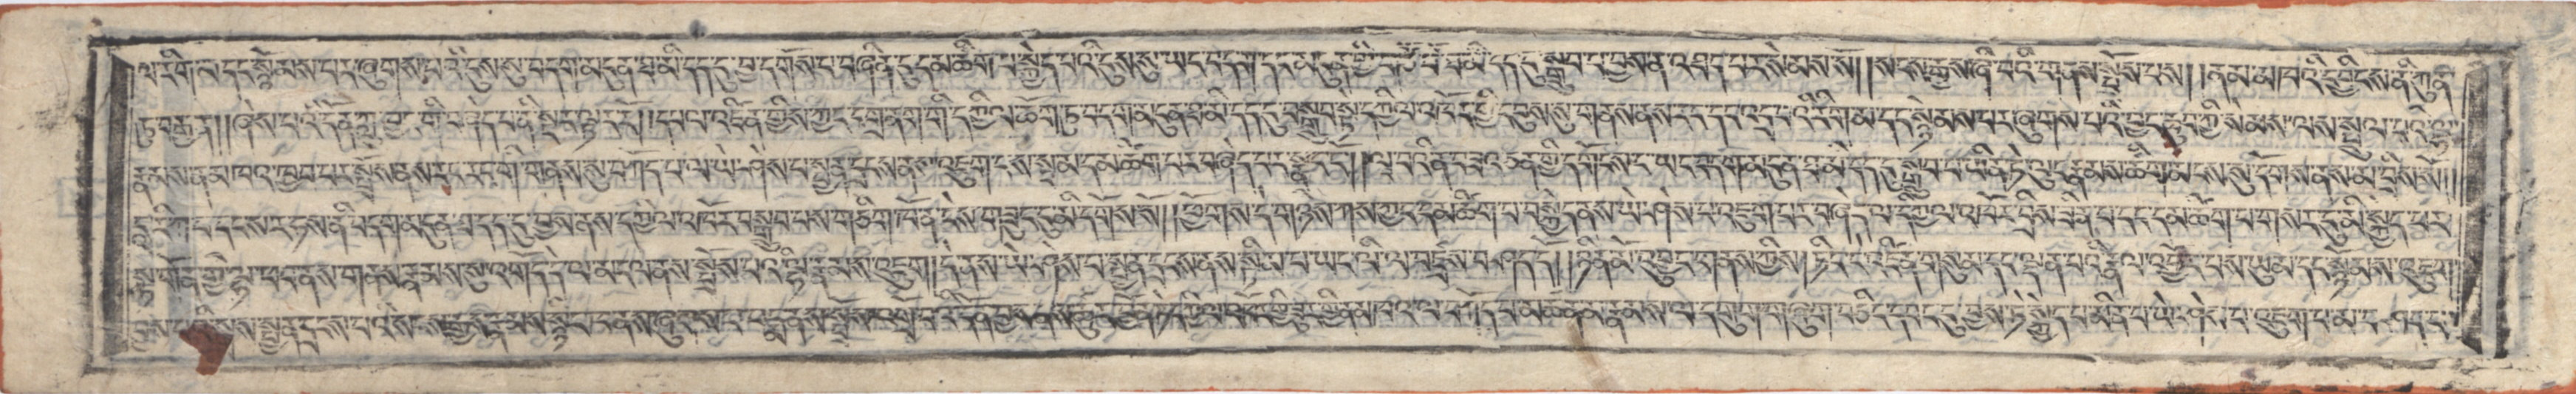ལ་རིག་མ་དང་སྙོམས་པར་ཞུགས་པའི་དུས་སུ་བདག་མདུན་ཐ་མི་དད་དུ་བྱ་དགོས་པ་བཞིན་དུ་དམ་ཚིག་པ་སྐྱེད་པའི་དུས་སུ་ཡང་བདག་དང་མདུན་གྱི་གཙོ་བོ་ཐ་མི་དད་དུ་སྒྲུབ་པ་བྱས་ན་འཐད་པར་སེམས་སོ། །སངས་རྒྱས་ཞི་བའི་གནས་སྤྲོས་པས། །ནམ་མཁའི་དབྱིངས་ནི་ཀུན་
ཏུ་བརྒྱན། །ཞེས་པའི་དོན་ཀླུ་བྱང་གི་བཞེད་པ་ནི་སྔར་ལྟར་རོ། །དཔལ་འཛིན་གྱིས་ཀྱང་དགྲ་ནག་གི་དཀྱིལ་ཆོག་ཏུ་བདག་མདུན་ཐ་མི་དད་དུ་བསྒྲུབ་སྟེ་དཀྱིལ་འཁོར་གྱི་དབུས་སུ་གནས་ནས་རང་དང་འདྲ་བའི་རིག་མ་དང་སྙོམས་པར་ཞུགས་པའི་བྱང་ཆུབ་ཀྱི་སེམས་ལས་སྤྲུལ་པའི་ལྷ་
རྣམས་ནམ་མཁའ་ཁྱབ་པར་སྤྲོས་ནས་རང་རང་གི་གནས་སུ་བཀོད་པ་ལ་ཡེ་ཤེས་པ་སྤྱན་དྲངས་ནས་འཇུག་པས་སྔ་མ་དམ་ཚིག་པར་བཞེད་པར་སྣང་ངོ། །ལྭ་བའི་ན་བཟའ་ཅན་གྱི་དགོངས་པ་ཡང་བདག་མདུན་ཐ་མི་དད་དུ་སྒྲུབ་པ་ཡིན་ཏེ་ལུང་རྣམས་ཚིག་མངས་སུ་དོགས་ནས་མ་བྲིས་སོ། །
དཱ་རི་ཀ་པ་དང་ས་ར་ཧས་ནི་བདག་མདུན་ཐ་དད་དུ་བྱས་ནས་དཀྱིལ་འཁོར་བསྒྲུབ་པས་གཅིག་ཁོ་ན་ངེས་གཟུང་དུ་མི་དགོས་སོ། །ཕྱོགས་དེ་གཉིས་ཀས་ཀྱང་དམ་ཚིག་པ་བསྐྱེད་ནས་ཡེ་ཤེས་པ་འཇུག་པར་བཞེད་ལ་དཀྱིལ་འཁོར་བྲིས་ཟིན་པ་དང་དམ་ཚིག་པ་གསར་དུ་མི་སྐྱེད་པར་
སྟ་གོན་གྱི་ལྷ་ཕབ་ནས་གནས་རྣམས་སུ་འགོད་དེ་ལ་མངལ་ནས་སྤྲོས་པའི་ལྷ་རྣམས་འཇུག །དེ་ནས་ཡེ་ཤེས་པ་སྤྱན་དྲངས་ནས་སྟིམ་པ་ཡང་ལི་ལ་བཛྲས་བཤད་དོ། །ཉིན་མོ་འབྱུང་གནས་ཀྱིས། ཏིང་ངེ་འཛིན་གསུམ་དང་ལྡན་པའི་རྣལ་འབྱོར་པས་ཡུམ་དང་སྙོམས་འཇུག་
བྱས་པའི་སྒྲས་སྤྱན་དྲངས་པའི་སངས་རྒྱས་རྣམས་སྙིང་ཁ་ནས་ཞུགས་པ་པདམ་ནས་སྤྲོས་འགྲོ་བའི་དོན་བྱས་ནས་ཚུར་བྱོན་ཏེ་དཀྱིལ་འཁོར་གྱི་ཟུར་གྱི་ནམ་མཁའ་ལ་བཀོད་པ་མཚན་མ་རྣམས་ལ་དགུག་གཞུག་བཅིང་དབང་དུ་བྱས་ཏེ་སྐྱེད་པ་མིན་པ་ཡེ་ཤེས་པ་འཇུག་པ་མ་བཤད་པ་